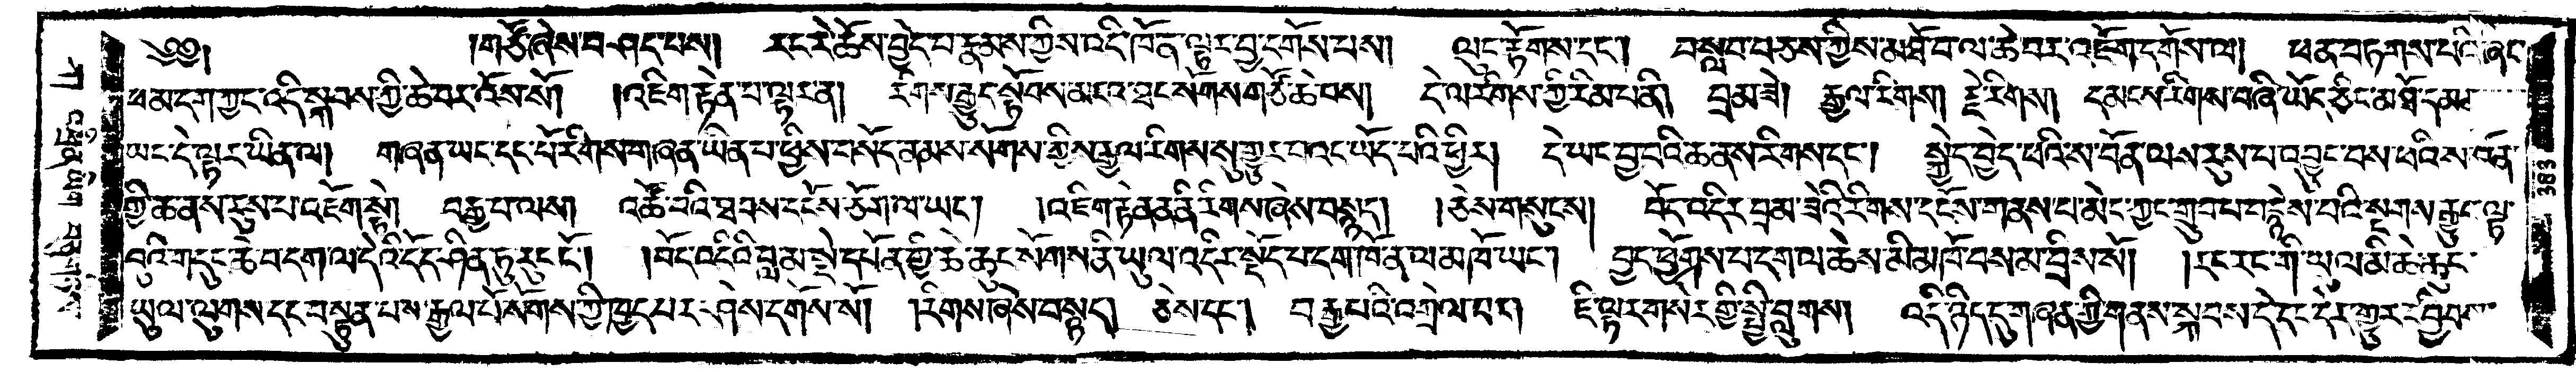༄༅། །གཙོ་ཞེས་བཤད་པས། རང་རེ་ཆོས་བྱེད་པ་རྣམས་ཀྱིས་འདི་ཁོ་ན་ལྟར་བྱ་དགོས་པས། ལུང་རྟོགས་དང་། བསླབ་བཅས་ཀྱིས་མཐོ་བ་ལ་ཆེ་བར་འཇོག་དགོས་ལ། ཕན་བཏགས་པའི་ཞིང་
ཕམ་དག་ཀྱང་འདི་སྐབས་ཀྱི་ཆེ་བར་འོས་སོ། །འཇིག་རྟེན་པ་ལྟར་ན། རིགས་རྒྱུད་སྟོབས་མངའ་ཐང་སོགས་གཙོ་ཆེ་བས། དེ་ལ་རིགས་ཀྱི་རིམ་པ་ནི། བྲམ་ཟེ། རྒྱལ་རིགས། རྗེ་རིགས། དམངས་རིགས་བཞི་ཡོད་ཅིང་མཐོ་དམ?
ཡང་དེ་ལྟར་ཡིན་ལ། གཞན་ཡང་དང་པོ་རིགས་གཞན་ཡིན་པ་ཕྱིས་བསོད་ནམས་སོགས་ཀྱིས་རྒྱལ་རིགས་སུ་གྱུར་པའང་ཡོད་པའི་ཕྱིར། དེ་ཡང་བྱ་བའི་ཆ་ནས་རིགས་དང་། སྐྱེད་བྱེད་ཕའི་ས་བོན་ལས་རུས་པ་འབྱུང་བས་ཕའི་ས་བོན་
གྱི་ཆ་ནས་རུས་པ་འཇོག་སྟེ། བརྒྱ་པ་ལས། འཚོ་བའི་ཐབས་དངོས་ཅོག་ལ་ཡང་། །འཇིག་རྟེན་ན་ནི་རིགས་ཞེས་བསྙད། །ཅེས་གསུངས། བོད་འདིར་བྲམ་ཟེའི་རིགས་དངོས་གནས་པ་མེད་ཀྱང་གྲུབ་པ་བརྙེས་པའི་སྔགས་རྒྱུད་ལྟ་
བུའི་གདུང་ཆེ་བདག་ལ་དེའི་དོད་ཤིན་ཏུ་རུང་ངོ། །བོད་འདིའི་བླ་མ་སྡེ་དཔོན་གྱི་ཆེ་ཆུང་སོགས་ནི་ཡུལ་འདིར་སྡོད་པ་དག་ཁོ་ན་ལ་མཁོ་ཡང་། བྱང་ཕྱོགས་པ་དག་ལ་ཆེས་མི་མཁོ་བས་མ་བྲིས་སོ། །རང་གི་ཡུལ་མི་ཆེ་ཆུང་
ཡུལ་ལུགས་དང་བསྟུན་པས་རྒྱལ་པོ་སོགས་ཀྱི་ཁྱད་པར་ཤེས་དགོས་སོ། །རིགས་ཞེས་བསྙད། ཅེས་དང་། བརྒྱ་པའི་འགྲེལ་པར། ཇི་ལྟར་གསེར་གྱི་སྤྱི་བླུགས། འདི་ཉིད་དུ་གཞན་གྱི་གནས་སྐབས་དེ་དང་དེར་གྱུར་དབྱིབས་